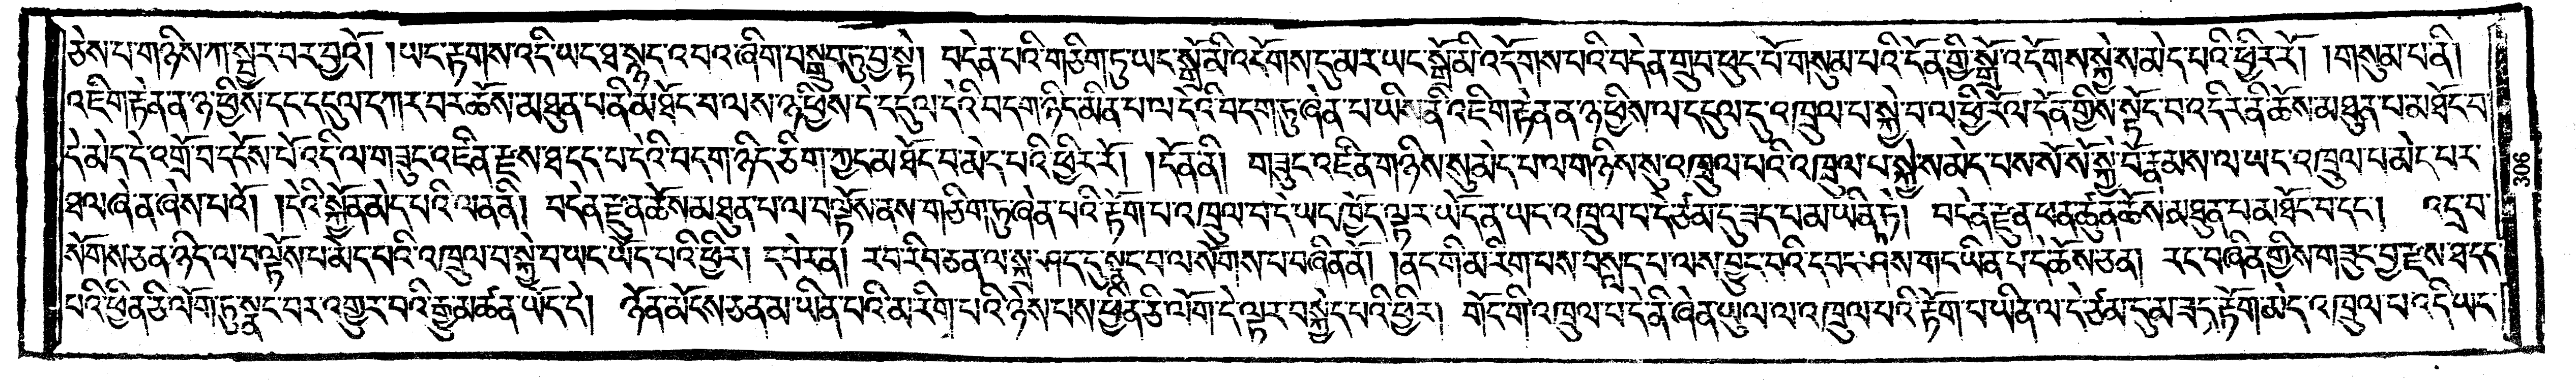ཅེས་པ་གཉིས་ཀ་སྦྱར་བར་བྱའོ། །ཡང་རྟགས་འདི་ཡང་ཐ་སྙད་འབའ་ཞིག་བསྒྲུབ་ཏུ་བྱ་སྟེ། བདེན་པའི་གཅིག་ཏུ་ཡང་སྒྲོ་མི་འདོགས་དུ་མར་ཡང་སྒྲོ་མི་འདོགས་པའི་བདེན་གྲུབ་ཕུང་པོ་གསུམ་པའི་དོན་གྱི་སྒྲོ་འདོགས་སྐྱེས་མེད་པའི་ཕྱིར་རོ། །གསུམ་པ་ནི།
འཇིག་རྟེན་ན་ཉ་ཕྱིས་དང་དངུལ་དཀར་བར་ཆོས་མཐུན་པ་ནི་མཐོང་བ་ལས་ཉ་ཕྱིས་དེ་དངུལ་དེའི་བདག་ཉིད་མིན་པ་ལ་དེའི་བདག་ཏུ་ཞེན་པ་ཡིས་ནི་འཇིག་རྟེན་ན་ཉ་ཕྱིས་ལ་དངུལ་དུ་འཁྲུལ་པ་སྐྱེ་བ་ལ་ཕྱི་རོལ་དོན་གྱིས་སྟོང་པ་འདིར་ནི་ཆོས་མཐུན་པ་མཐོང་བ་
དེ་མེད་དེ་འགྲོ་བ་དངོས་པོ་འདི་ལ་གཟུང་འཛིན་རྫས་ཐ་དད་པ་དེའི་བདག་ཉིད་ཅིག་ཀྱང་མཐོང་བ་མེད་པའི་ཕྱིར་རོ། །དོན་ནི། གཟུང་འཛིན་གཉིས་སུ་མེད་པ་ལ་གཉིས་སུ་འཁྲུལ་བའི་འཁྲུལ་པ་སྐྱེ་ས་མེད་པས་སོ་སོ་སྐྱེ་བོ་རྣམས་ལ་ཡང་འཁྲུལ་བ་མེད་པར་
ཐལ་ཞེ་ན་ཞེས་པའོ། །དེའི་སྐྱོན་མེད་པའི་ལན་ནི། བདེན་རྫུན་ཆོས་མཐུན་པ་ལ་བལྟོས་ནས་གཅིག་ཏུ་ཞེན་པའི་རྟོག་པ་འཁྲུལ་བ་དེ་ཡང་ཁྱོད་ལྟར་ཡོད་ན་ཡང་འཁྲུལ་བ་དེ་ཙམ་དུ་ཟད་པ་མ་ཡིན་ཏེ། བདེན་རྫུན་ཕན་ཚུན་ཆོས་མཐུན་པ་མཐོང་བ་དང་། འདྲ་བ་
སོགས་ཅན་ཉིད་ལ་བལྟོས་པ་མེད་པའི་འཁྲུལ་བ་སྐྱེ་བ་ཡང་ཡོད་པའི་ཕྱིར། དཔེར་ན། རབ་རིབ་ཅན་ལ་སྐྲ་ཤད་དུ་སྣང་བ་ལ་སོགས་པ་བཞིན་ནོ། །ནང་གི་མ་རིག་པས་བསླད་པ་ལས་བྱུང་བའི་དབང་ཤེས་གང་ཡིན་པ་དེ་ཆོས་ཅན། རང་བཞིན་གྱིས་གཟུང་བྱ་རྫས་ཐ་དད་
པའི་ཕྱིན་ཅི་ལོག་ཏུ་སྣང་བར་འགྱུར་བའི་རྒྱུ་མཚན་ཡོད་དེ། ཉོན་མོངས་ཅན་མ་ཡིན་པའི་མ་རིག་པའི་ཉེས་པས་ཕྱིན་ཅི་ལོག་དེ་ལྟར་བསྐྱེད་པའི་ཕྱིར། གོང་གི་འཁྲུལ་པ་དེ་ནི་ཞེན་ཡུལ་ལ་འཁྲུལ་པའི་རྟོག་པ་ཡིན་ལ་དེ་ཙམ་དུ་མ་ཟད་རྟོག་མེད་འཁྲུལ་པ་འདི་ཡང་